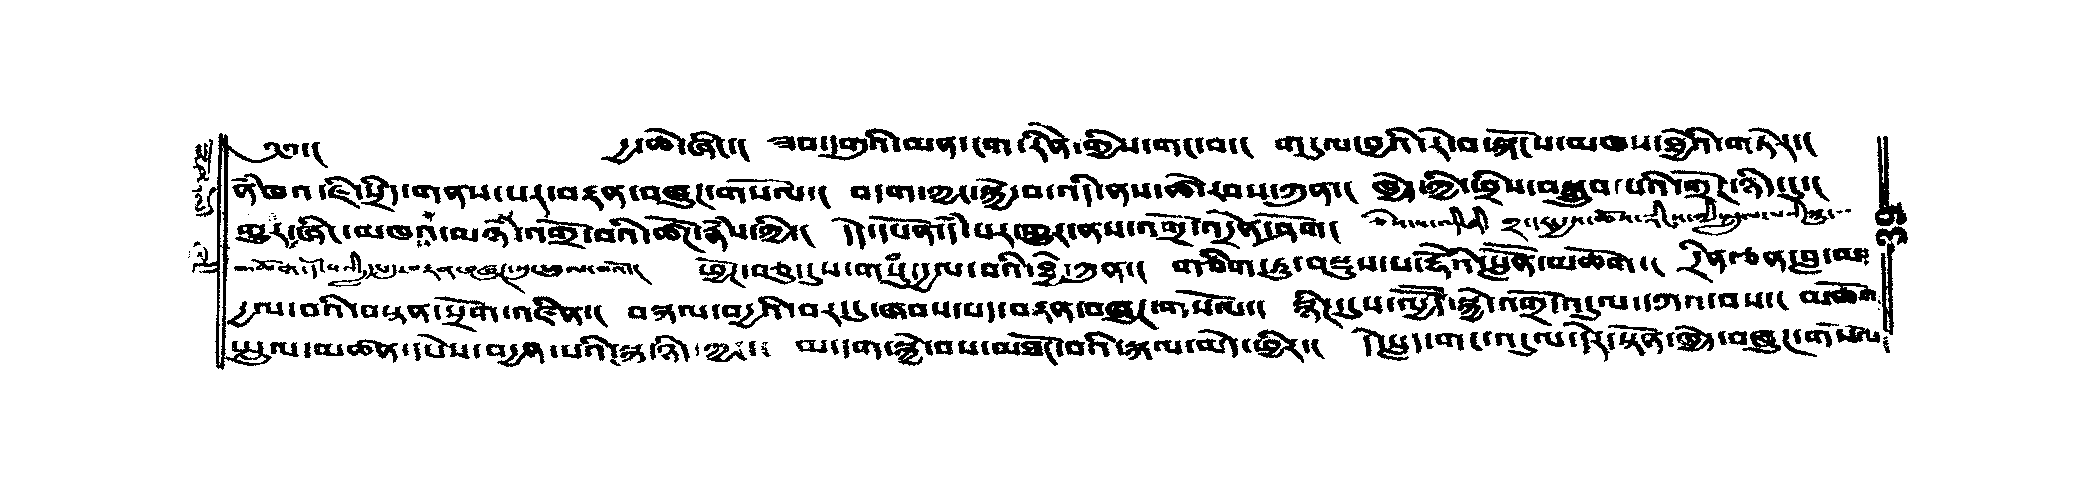རྒྱ་ཆེ་ཞིང་། །ཟབ་དགུའི་མན་ངག་རིན་ཆེན་གྱིས་གང་བ། །གདུལ་བྱའི་རེ་བ་སྐོང་མཁས་ཐུགས་རྗེའི་གཏེར། །
ནམ་མཁའ་ཇི་སྲིད་གནས་པར་བརྟན་བཞུགས་གསོལ། །བདག་ཀྱང་སྐྱེ་བ་འདི་ནས་ཚེ་རབས་ཀུན། །ཁྱེད་ཀྱི་ཕྲིན་ལས་བསྒྲུབ་པའི་གྲོགས་ཉིད་དུ། །
གྱུར་ཞིང་མཁའ་མཉམ་འགྲོ་བའི་ཚོགས་རྣམས་ཀྱི། །དེད་དཔོན་དམ་པར་གྱུར་ནས་འགྲོ་འདྲེན་ཤོག ། ཅེས་པ་འདི་ནི་གྲྭ་དར་རྒྱས་ཆོས་སྡིངས་ཀྱི་སྤྲུལ་པའི་སྐུ་
མཆོག་དམ་པའི་དྲུང་དུ་བརྟན་བཞུགས་སུ་ཕུལ་བའོ།། ཕྱོགས་བཅུ་དུས་གསུམ་རྒྱལ་བའི་ཐུགས་རྗེ་ཀུན། །གཅིག་ཏུ་བསྡུས་པ་རྡོ་རྗེའི་སློབ་དཔོན་མཆོག །དྲིན་ཅན་བླ་མ་
རྒྱལ་བའི་བསྟན་སྲོག་འཛིན། །བསྐལ་བརྒྱའི་བར་དུ་ཞབས་པད་བརྟན་བཞུགས་གསོལ། །སྙིགས་དུས་ལོགས་སྤྱོད་སྐྱེ་འགྲོ་འདུལ་དཀའ་བས། །མཆོག་
སྤྲུལ་མཚན་དཔེས་བརྒྱན་པའི་སྐུ་ཉིད་ཀྱང་། །མ་དག་སྐྱེ་བས་མཐོང་བའི་སྐལ་མེད་ཕྱིར། །དེ་སླད་གང་འདུལ་དེར་སྟོན་ཁྱེད་བཞུགས་གསོལ།